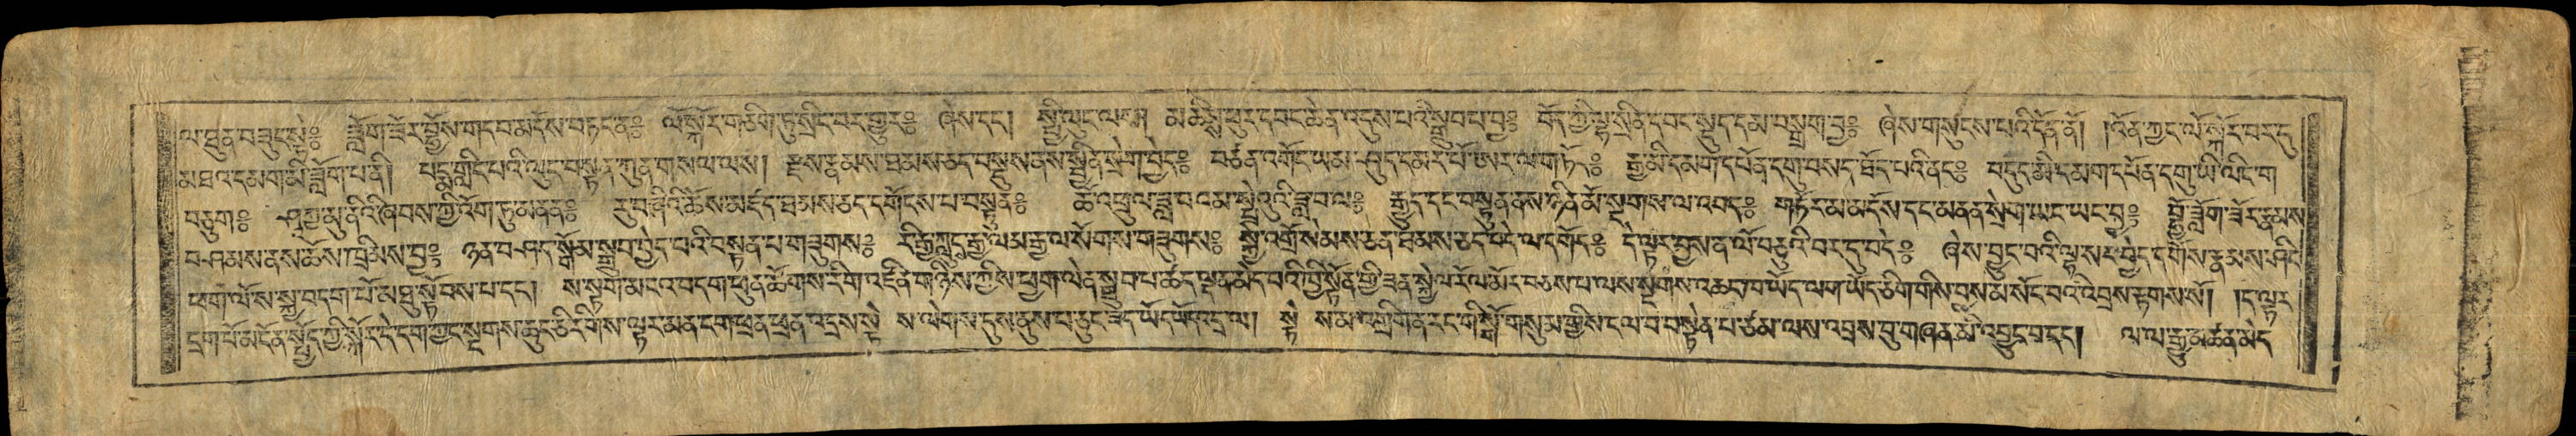ལ་ཐུན་བཟུང་སྟཿ་ཟློག་ཟོར་བྷྱོས་གདབ་མདོས་བཏང་ནཿ་ལོ་སྐོར་གཅིག་ཏུ་སྲིང་བར་གྱུརཿ་ཞེས་དང་། སྤྱི་ལུང་ལས། མཆིམས་ཕུར་དབང་ཆེན་འདུས་པའི་སྒྲུབ་པ་བྱཿ་བོད་ཀྱི་ལྷ་སྲིན་དབང་སྡུད་དམ་བསྒྲག་བྱཿ་ཞེས་གསུངས་པའི་དོན་ནོ། །འོན། ?་ཀྱང་ལོ་སྐོར་བར་དུ་
མཐའ་དམག་མི་ཟློག་པ་ནི། པདམ་གླིང་པའི་ལུང་བསྟན་ཀུན་གསལ་ལས། རྫས་རྣམས་ཐམས་ཅད་བསྡུས་ནས་སྦྱིན་སྲེག་བྱེདཿ་བཙན་འགོང་ཡམ་ཤུད་དམར་པོ་ཨར་ལ་གཏོདཿ་རྒྱ་མི་དམག་དཔོན་དགུ་བསད་ཐོད་པའི་ནངཿ་བདུད་མི་དམག་དཔོན་དགུ་ཡི་ལིང་ག་
བཅུགཿ་ཤཱཀྱ་མུ་ནིའི་ཞབས་ཀྱི་འོག་ཏུ་མནནཿ་རུ་བཞིའི་ཆོས་མཛད་ཐམས་ཅད་དགོངས་པ་བསྟུནཿ་ཆོ་འཕྲུལ་ཟླ་བའམ་སྤྲེའུའི་ཟླ་བ་ལཿ་རྒྱུད་དང་བསྟུན་ནས་ཉིན་མོ་སྔགས་ལ་འབདཿ་གཏོར་མ་མདོས་དང་མནན་སྲེག་ཡང་ཡང་བྱཿ་བྷྱོ་ཟློག་ཟོར་རྣམས་
བཤམས་ནས་ཆོས་ཁྲིམས་བྱཿ་ཉན་བཤད་སྒོམ་སྒྲུབ་བྱེད་པའི་བསྟན་པ་གཟུགསཿ་རི་རྒྱ་ཀླུང་རྒྱ་ལམ་རྒྱལ་སོགས་གཟུགསཿ་སྐྱེ་འགྲོ་སེམས་ཅན་ཐམས་ཅད་བདེ་ལ་དགོདཿ་དེ་ལྟར་བྱས་ན་ལོ་བཅུའི་བར་བུ་བདེཿ་ཞེས་བྱུང་བའི་ལྷ་སར་བྱེད་དགོས་རྣམས་ཤིང་
ཕག་ལོ་ས་སྐྱ་བདག་པོ་མཐུ་སྟོབས་པ་དང་། ས་སྟག་མངའ་བདག་ཕུན་ཚོགས་རིག་འཛིན་གཉིས་ཀྱིས་ཕྱག་ལེན་སྒྲུབ་པ་ཚད་ལྡན་མེད་པའི་ཁྱི་སྟོན་གྱི་ཟན་སྐྱེལ་རོལ་མོར་བཅས་པ་ལས་སྔགས་འཆང་ཁ་ཡོད་ལག་ཡོད་ཅིག་གིས་བྱས་མ་སོང་བའི་འབྲས་རྟགས་སོ། །དེ་ལྟར་
དྲག་པོ་མངོན་སྤྱོད་ཀྱི་སྐོར་དེ་དག་ཀྱང་སྔགས་ཆུང་ཅི་རིགས་ལྟར་མན་ངག་ཕྲན་ཕྲན་འདྲས་སྟེས་ལེགས་དུས་ནུས་པ་ཅུང་ཟད་ཡོད་ཡོད་འདྲ་ལ། སྟེས་?་མ་འགྲིག་ན་རང་གི་སྒོ་གསུམ་གྱིས་དལ་བ་བསྟེན་པ་ཙམ་ལས་འབྲས་བུ་གཞན་མི་འབྱུང་བ་དང་། ལ་ལ་རྒྱུ་མཚན་མེད་